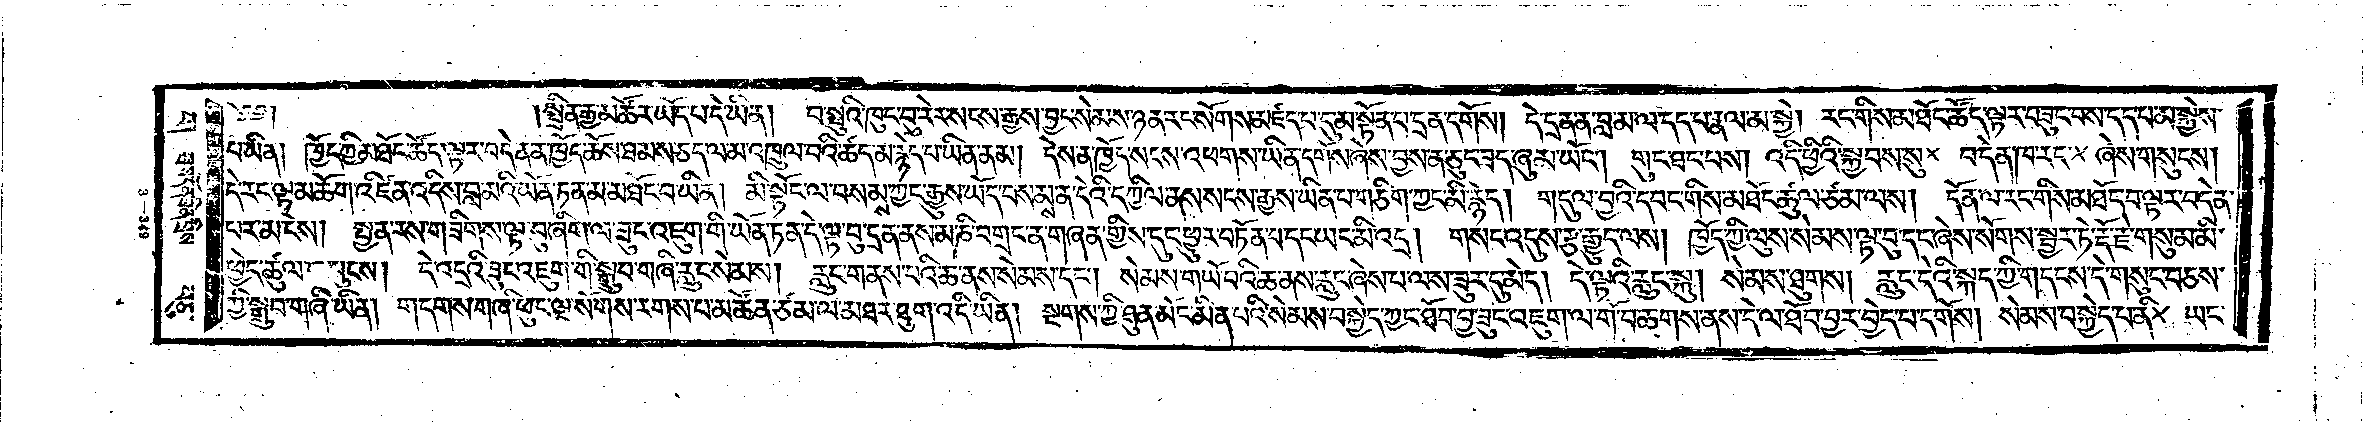༄༅། །སྤྲིན་རྒྱ་མཚོར་ཡོད་པ་དེ་ཡིན། བ་སྤུའི་ཁུང་བུ་རེར་སངས་རྒྱས་བྱང་སེམས་ཉན་རང་སོགས་མཛད་པ་དུ་མ་སྟོན་པ་དྲན་དགོས། དེ་དྲན་ན་བླ་མ་ལ་དད་པ་རྣལ་མ་སྐྱེ། རང་གིས་མཐོང་ཚོད་ལྟར་བཟུང་བས་དད་པ་མ་སྐྱེས་
པ་ཡིན། ཁྱོད་ཀྱི་མཐོང་ཚོད་ལྟར་བདེན་ན་ཁྱོད་ཆོས་ཐམས་ཅད་ལམ་འཁྲུལ་བའི་ཚད་མ་རྙེད་པ་ཡིན་ནམ། དེས་ན་ཁྱོད་སངས་འཕགས་ཡིན་དགོས་ཞེས་བྱས་ན་ཅུང་ཟད་ཞུམ་ཡོད། གུང་ཐང་བས། འདི་ཕྱིའི་སྐྱབས་སུ྾་བདེན་ཁ་རང྾་ཞེས་གསུངས།
དེ་རང་ལྟ་མཆོག་འཛིན་འདིས་བླ་མའི་ཡོན་ཏན་མ་མཐོང་བ་ཡིན། མི་སྟོང་ལ་བསམས་ཀྱང་རྒྱུས་ཡོད་བསམས་ན་དེའི་དཀྱིལ་ནས་སངས་རྒྱས་ཡིན་པ་གཅིག་ཀྱང་མི་རྙེད། གདུལ་བྱའི་དབང་གིས་མཐོང་ཚུལ་ཙམ་ལས། དོན་ལ་རང་གིས་མཐོད་བ་ལྟར་བདེན་
པར་མ་ངེས། སྤྱན་རས་གཟིགས་ལྟ་བུ་ཞིག་ལ་ཟུང་འཇུག་གི་ཡོན་ཏན་དེ་ལྟ་བུ་དྲན་ནས་མ་ཎི་བགྲང་ན་གཞན་གྱིས་དུང་ཕྱུར་བཏོན་པ་དང་ཡང་མི་འདྲ། གསང་འདུས་རྩ་རྒྱུད་ལས། ཁྱོད་ཀྱི་ལུས་སེམས་ལྟ་བུ་དང་ཞེས་སོགས་སྦྱར་ཏེ་རྡོ་རྗེ་གསུམ་མི་
ཕྱེད་ཚུལ་གསུངས། དེ་འདྲའི་ཟུང་འཇུག་གི་སྒྲུབ་གཞི་རླུང་སེམས། རླུང་གནས་པའི་ཆ་ནས་སེམས་དང་། སེམས་གཡོ་བའི་ཆ་ནས་རླུང་ཞེས་པ་ལས་ཟུར་དུ་མེད། དེ་ལྟའི་རླུང་སྐུ། སེམས་ཐུགས། རླུང་དེའི་སྐད་ཀྱི་གདངས་དེ་གསུང་བཅས་
ཀྱི་སྒྲུབ་གཞི་ཡིན། གདགས་གཞི་ཕུང་ལྔ་སོགས་རགས་པ་མཚོན་ཙམ་ལ་མཐར་ཐུག་འདི་ཡིན། སྔགས་ཀྱི་ཐུན་མོང་མིན་པའི་སེམས་བསྐྱེད་ཀྱང་ཐོབ་བྱ་ཟུང་འཇུག་ལ་གོ་བ་ཆགས་ནས་དེ་ལ་ཐོབ་བྱར་བྱེད་པ་དགོས། སེམས་བསྐྱེད་པ་ནི྾་ཡང་